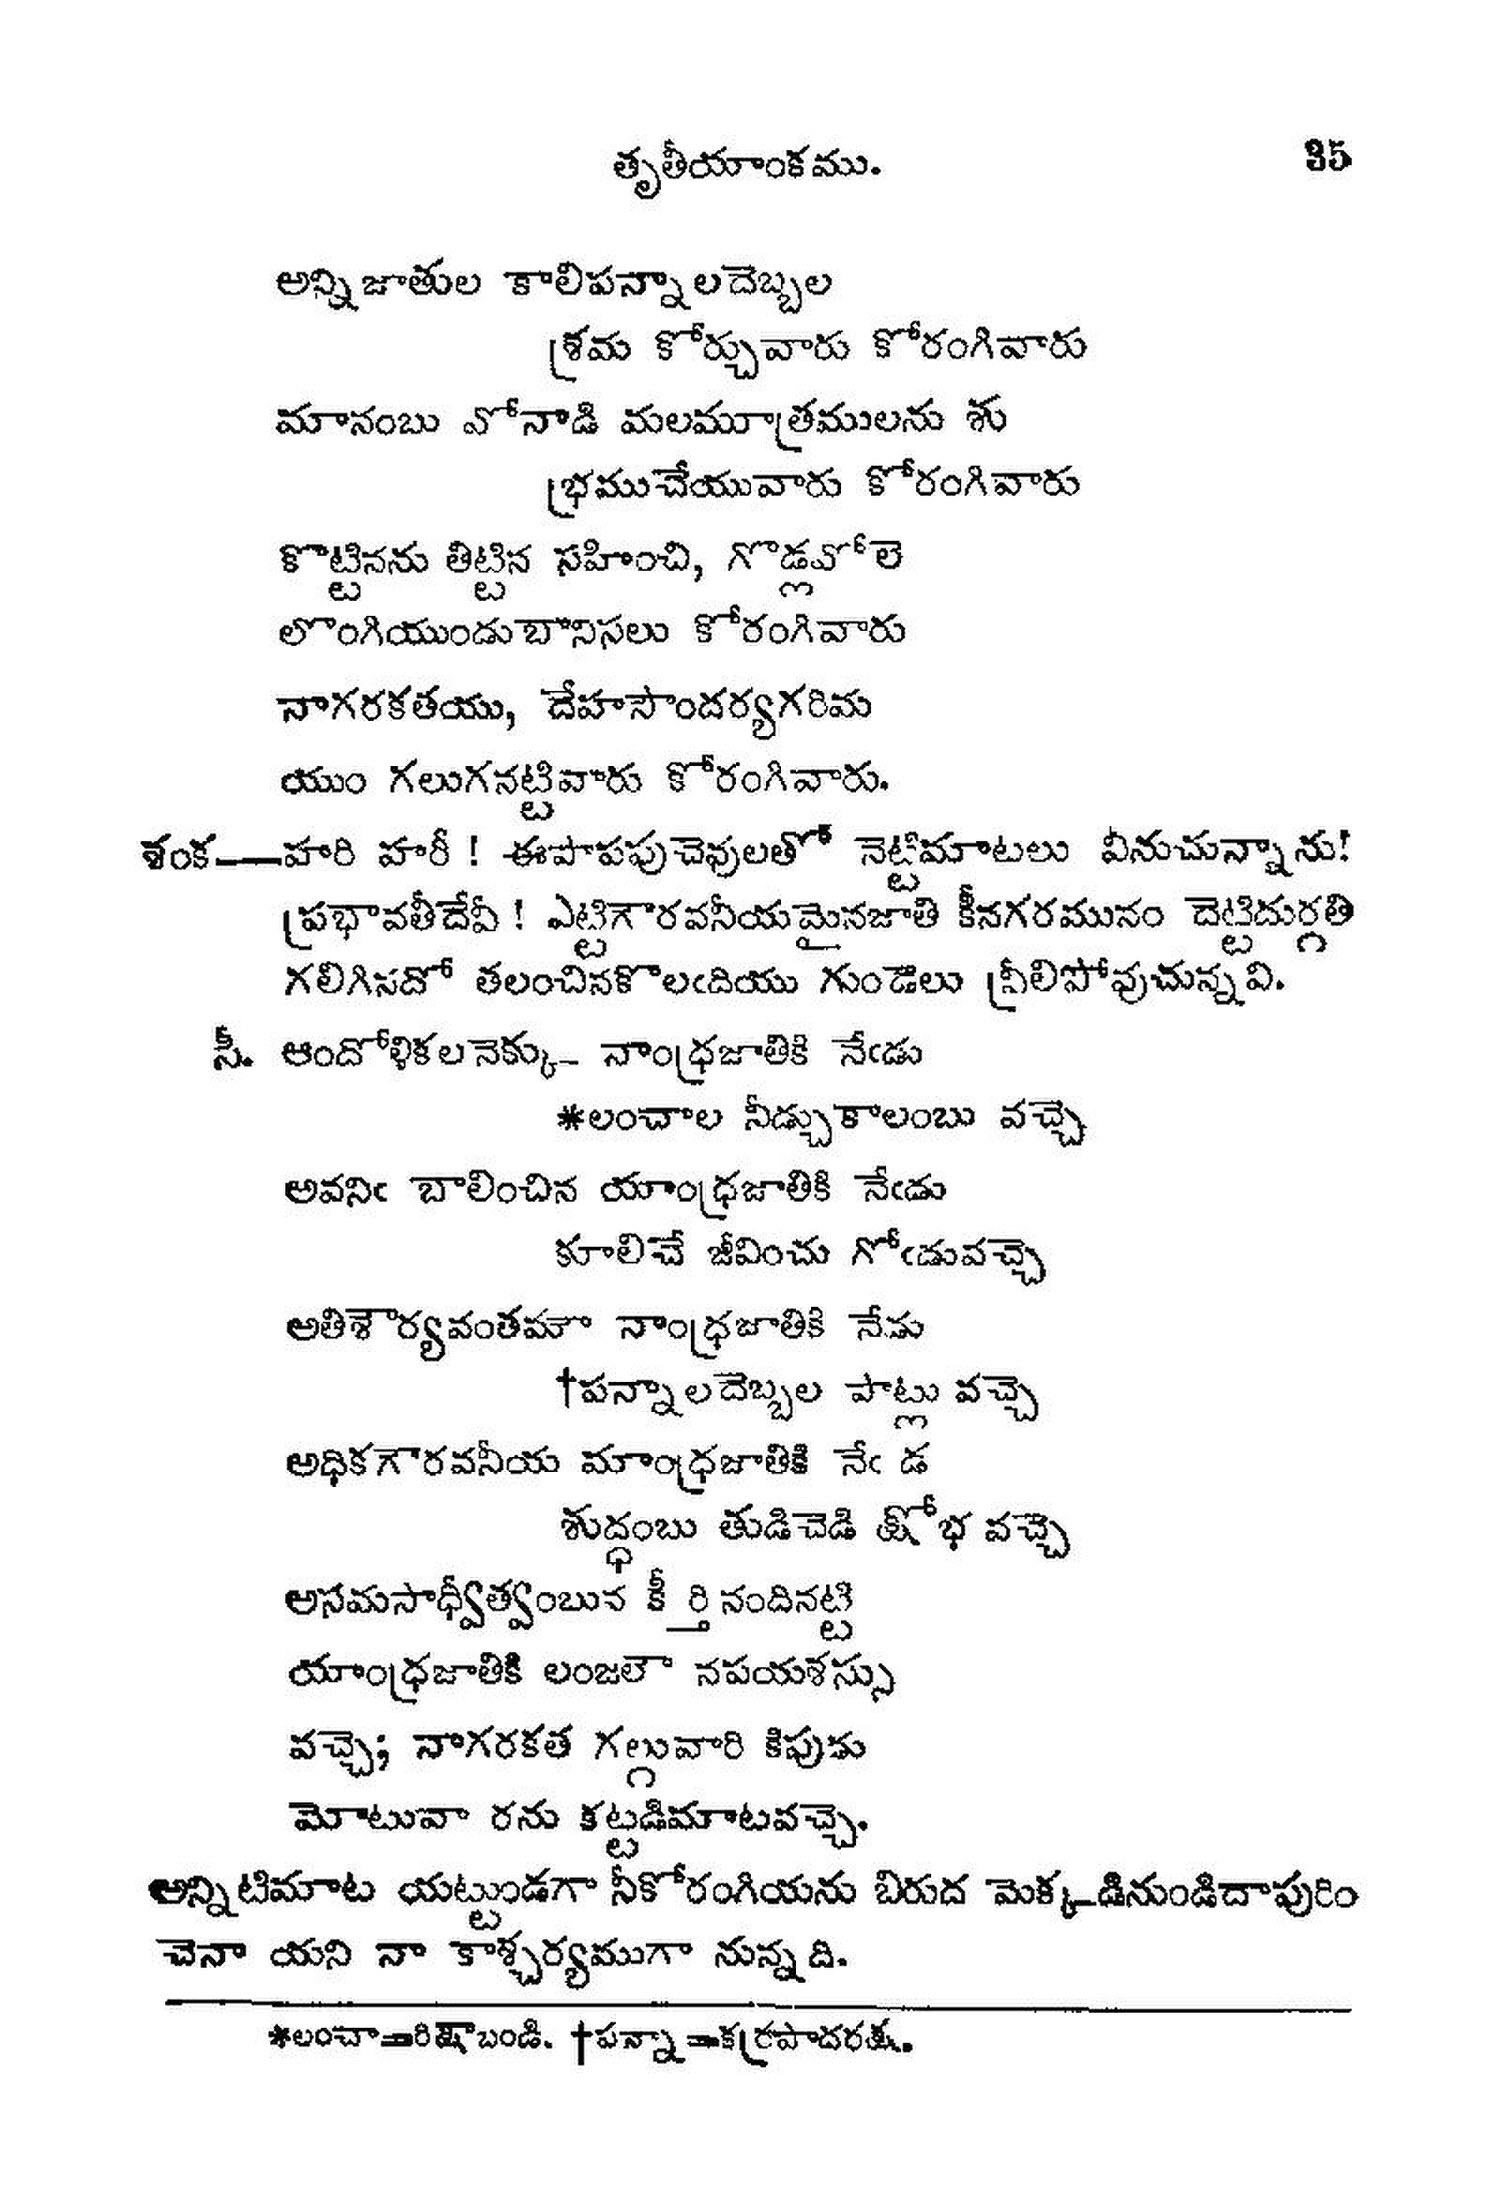అన్నిజాతుల కాలిపన్నాలదెబ్బల
 శ్రమ కోర్చువారు కోరంగివారు
 మానంబు వోనాడి మలమూత్రములను శు
 భ్రముచేయువారు కోరంగివారు

 కొట్టినను తిట్టిన సహించి, గొడ్లవోలె
 లొంగియుండు బానిసలు కోరంగివారు
 నాగరకతయు, దేహసౌందర్యగరిమ
 యుం గలుగనట్టివారు కోరంగివారు.
శంక - హరి హరీ ! ఈపాపపుచెవులతో నెట్టిమాటలు వినుచున్నాను! ప్రభావతీదేవీ ! ఎట్టిగౌరవనీయ మైనజాతి కీనగరమునం దెట్టిదుర్గతి గలిగినదో తలంచినకొలదియు గుండెలు వ్రీలిపోవుచున్నవి.

సీ. ఆందోళికలనెక్కు- నాంధ్రజాతికి నేఁడు
 లంచాల నీడ్చుకాలంబు వచ్చె
 అవనిఁ బాలించిన యాంధ్రజాతికి నేఁడు
 కూలిచే జీవించు గోఁడువచ్చె
 అతిశౌర్యవంతమౌ నాంధ్రజాతికి నేడు
 పన్నాలదెబ్బల పాట్లు వచ్చె
 అధికగౌరవనీయ మాంధ్రజాతికి నేఁ డ
 శుద్ధంబు తుడిచెడి క్షోభ వచ్చె

 అసమసాధ్వీత్వంబున కీర్తినందినట్టి
 యాంధ్రజాతికి లంజలౌ నపయశస్సు
 వచ్చె; నాగరకత గల్గువారి కిపుడు
 మోటువారను కట్టడిమాటవచ్చె.
అన్నిటిమాట యట్టుండగా నీకోరంగియను బిరుద మెక్కడి నుండి దాపురించెనా యని 
నాకాశ్చర్యముగా నున్నది.